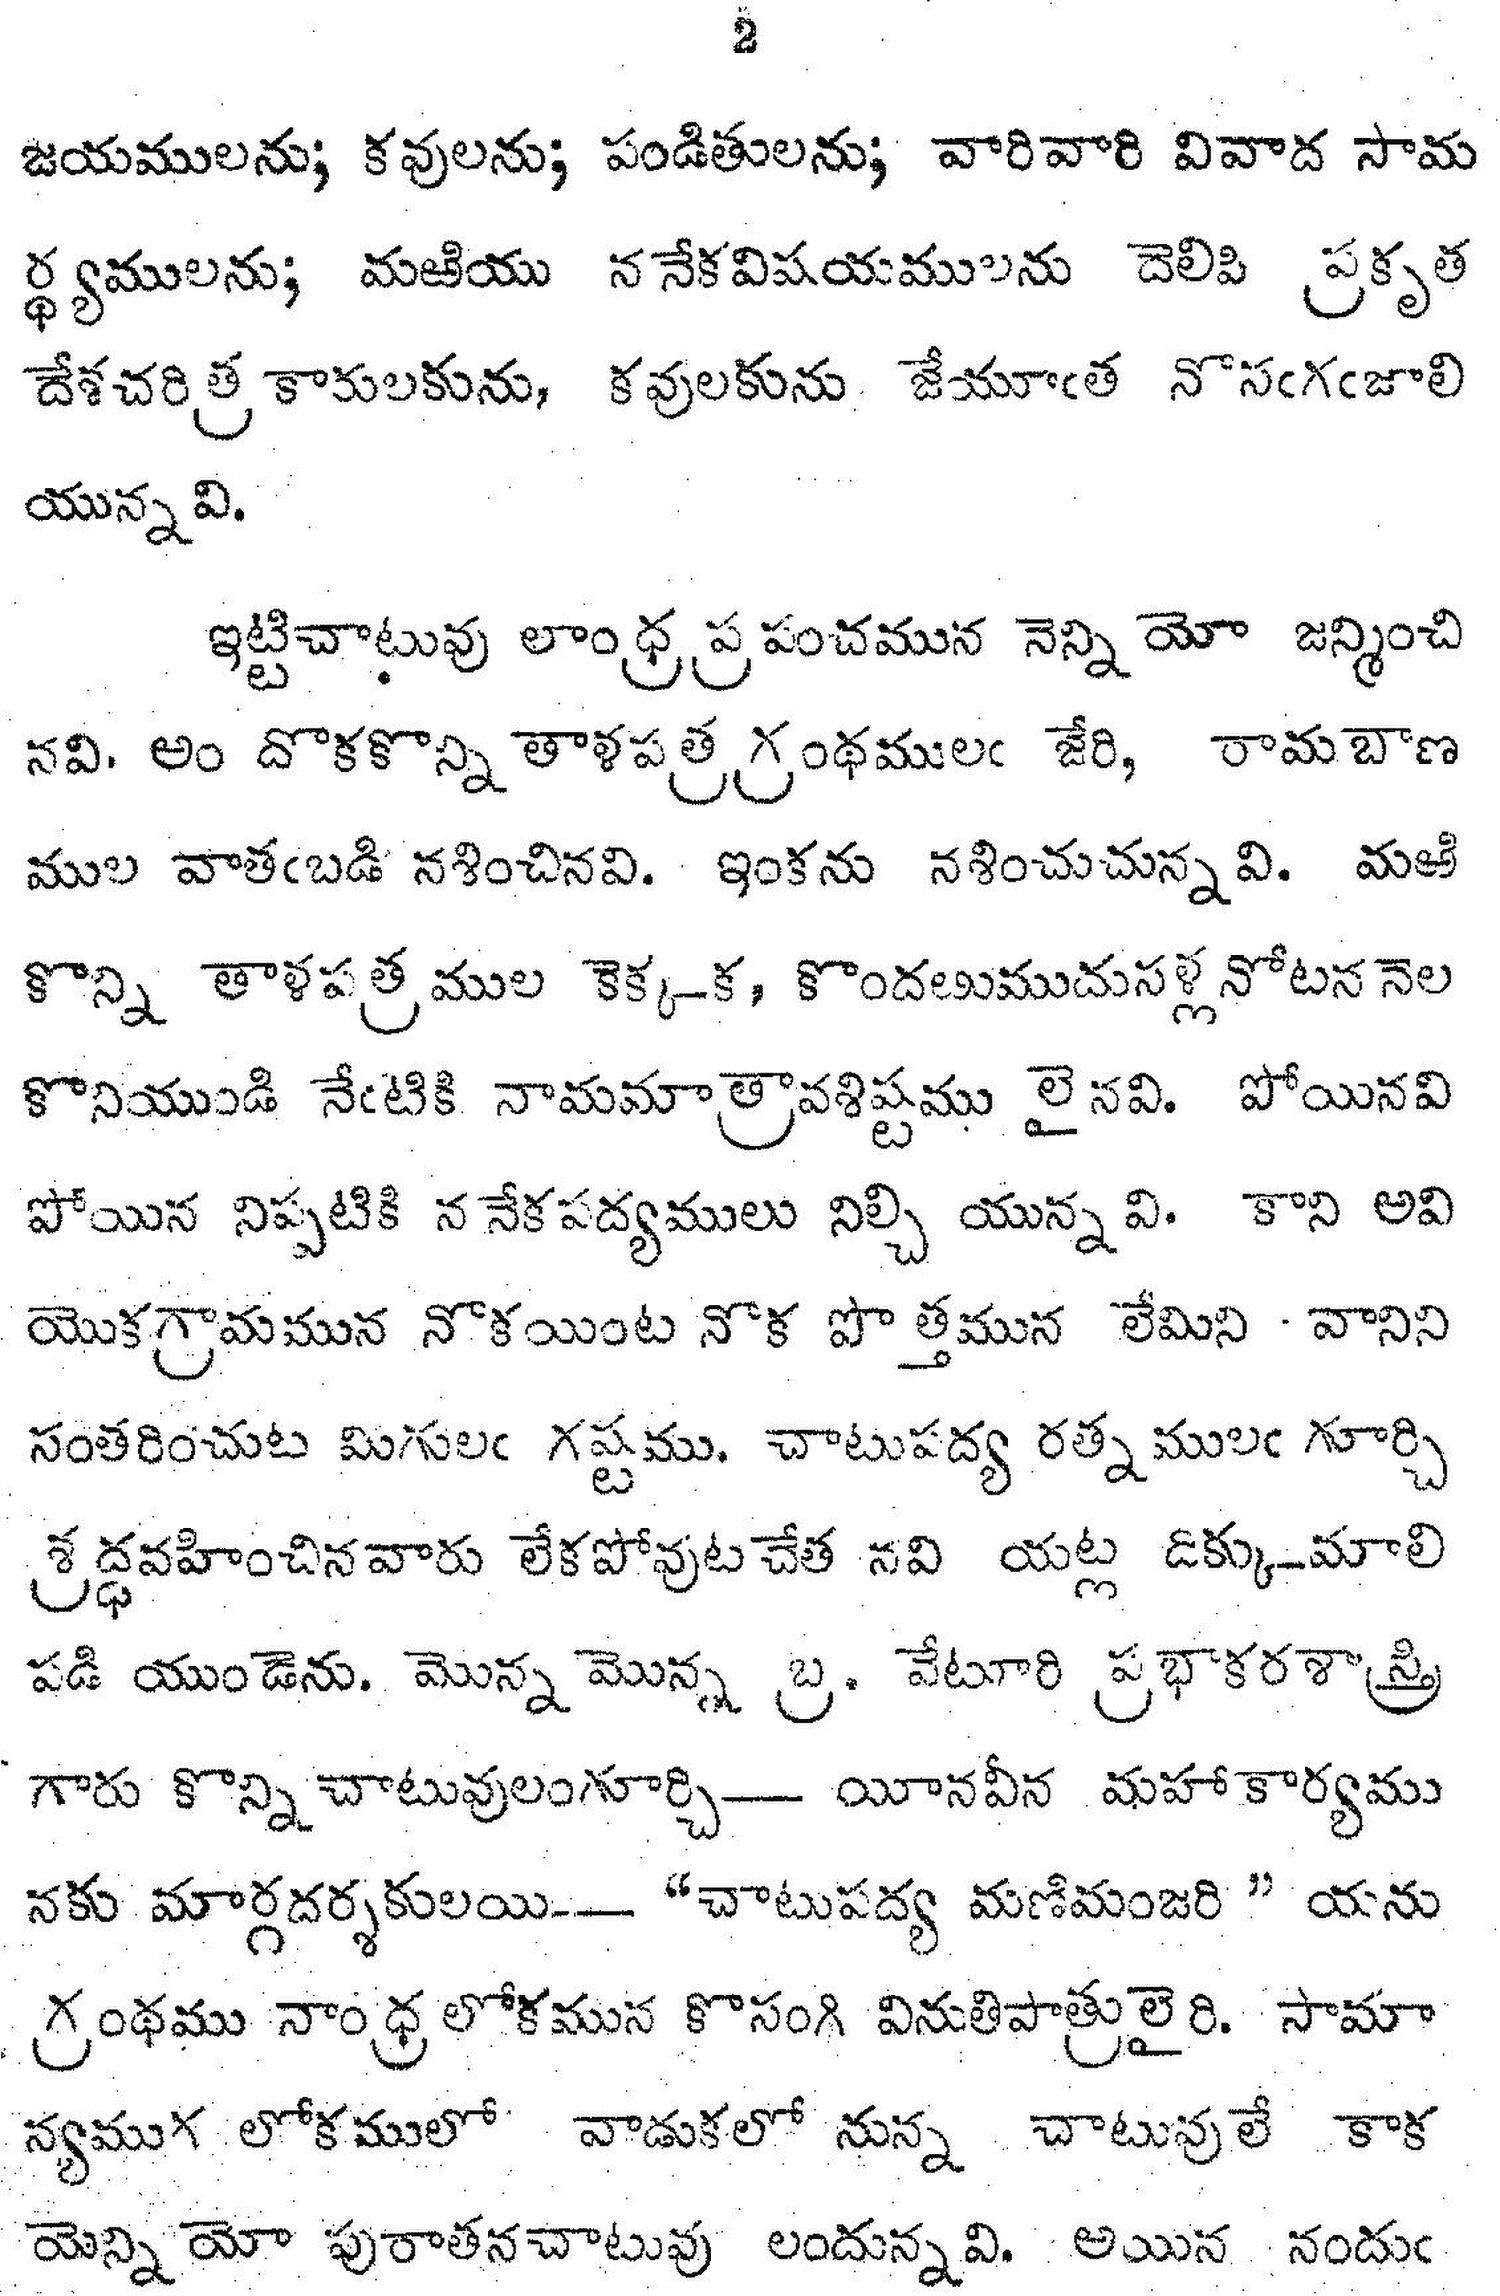జయములను, కవులను; పండితులను; వారివారి వివాదసామర్థ్యములను; మఱియు ననేకవిషయములను దెలిపి ప్రకృతదేశచరిత్రకారులకును, కవులకును జేయూఁత నొసగఁజాలియున్నవి.

ఇట్టిచాటువు లాంధ్రప్రపంచమున నెన్నియో జన్మించినవి. అం దొకకొన్ని తాళపత్రగ్రంథములఁ జేరి, రామబాణముల వాతఁబడి నశించినవి. ఇంకను నశించుచున్నవి. మఱికొన్ని తాళపత్రముల కెక్కక, కొందఱుముదుసళ్లనోటన నెలకొనియుండి నేటికి నామమాత్రావశిష్టము లైనవి. పోయినవి పోయినప్పటికి ననేకపద్యములు నిల్చి యున్నవి. కాని అవి యొకగ్రామమున నొకయింట నొకపొత్తమున లేమిని వానిని సంతరించుట మిగుల గష్టము. చాటుపద్యరత్నములఁ గూర్చిశ్రద్ధవహించినవారు లేకపోవుటచేత నవి యట్ల దిక్కుమాలి పడి యుండెను. మొన్న మొన్న బ్ర. వేటూరి ప్రభాకరశాస్త్రిగారు కొన్ని చాటువులంగూర్చి— యీనవీనమహాకార్యమునకు మార్గదర్శకులయి— "చాటుపద్య మణిమంజరి" యను గ్రంథము నాంధ్రలోకమున కొసంగి వినుతిపాత్రులైరి. సామాన్యముగ లోకములో వాడుకలో నున్న చాటువులే కాక యెన్నియో పురాతనచాటువు లందున్నవి. అయిన నందుఁ